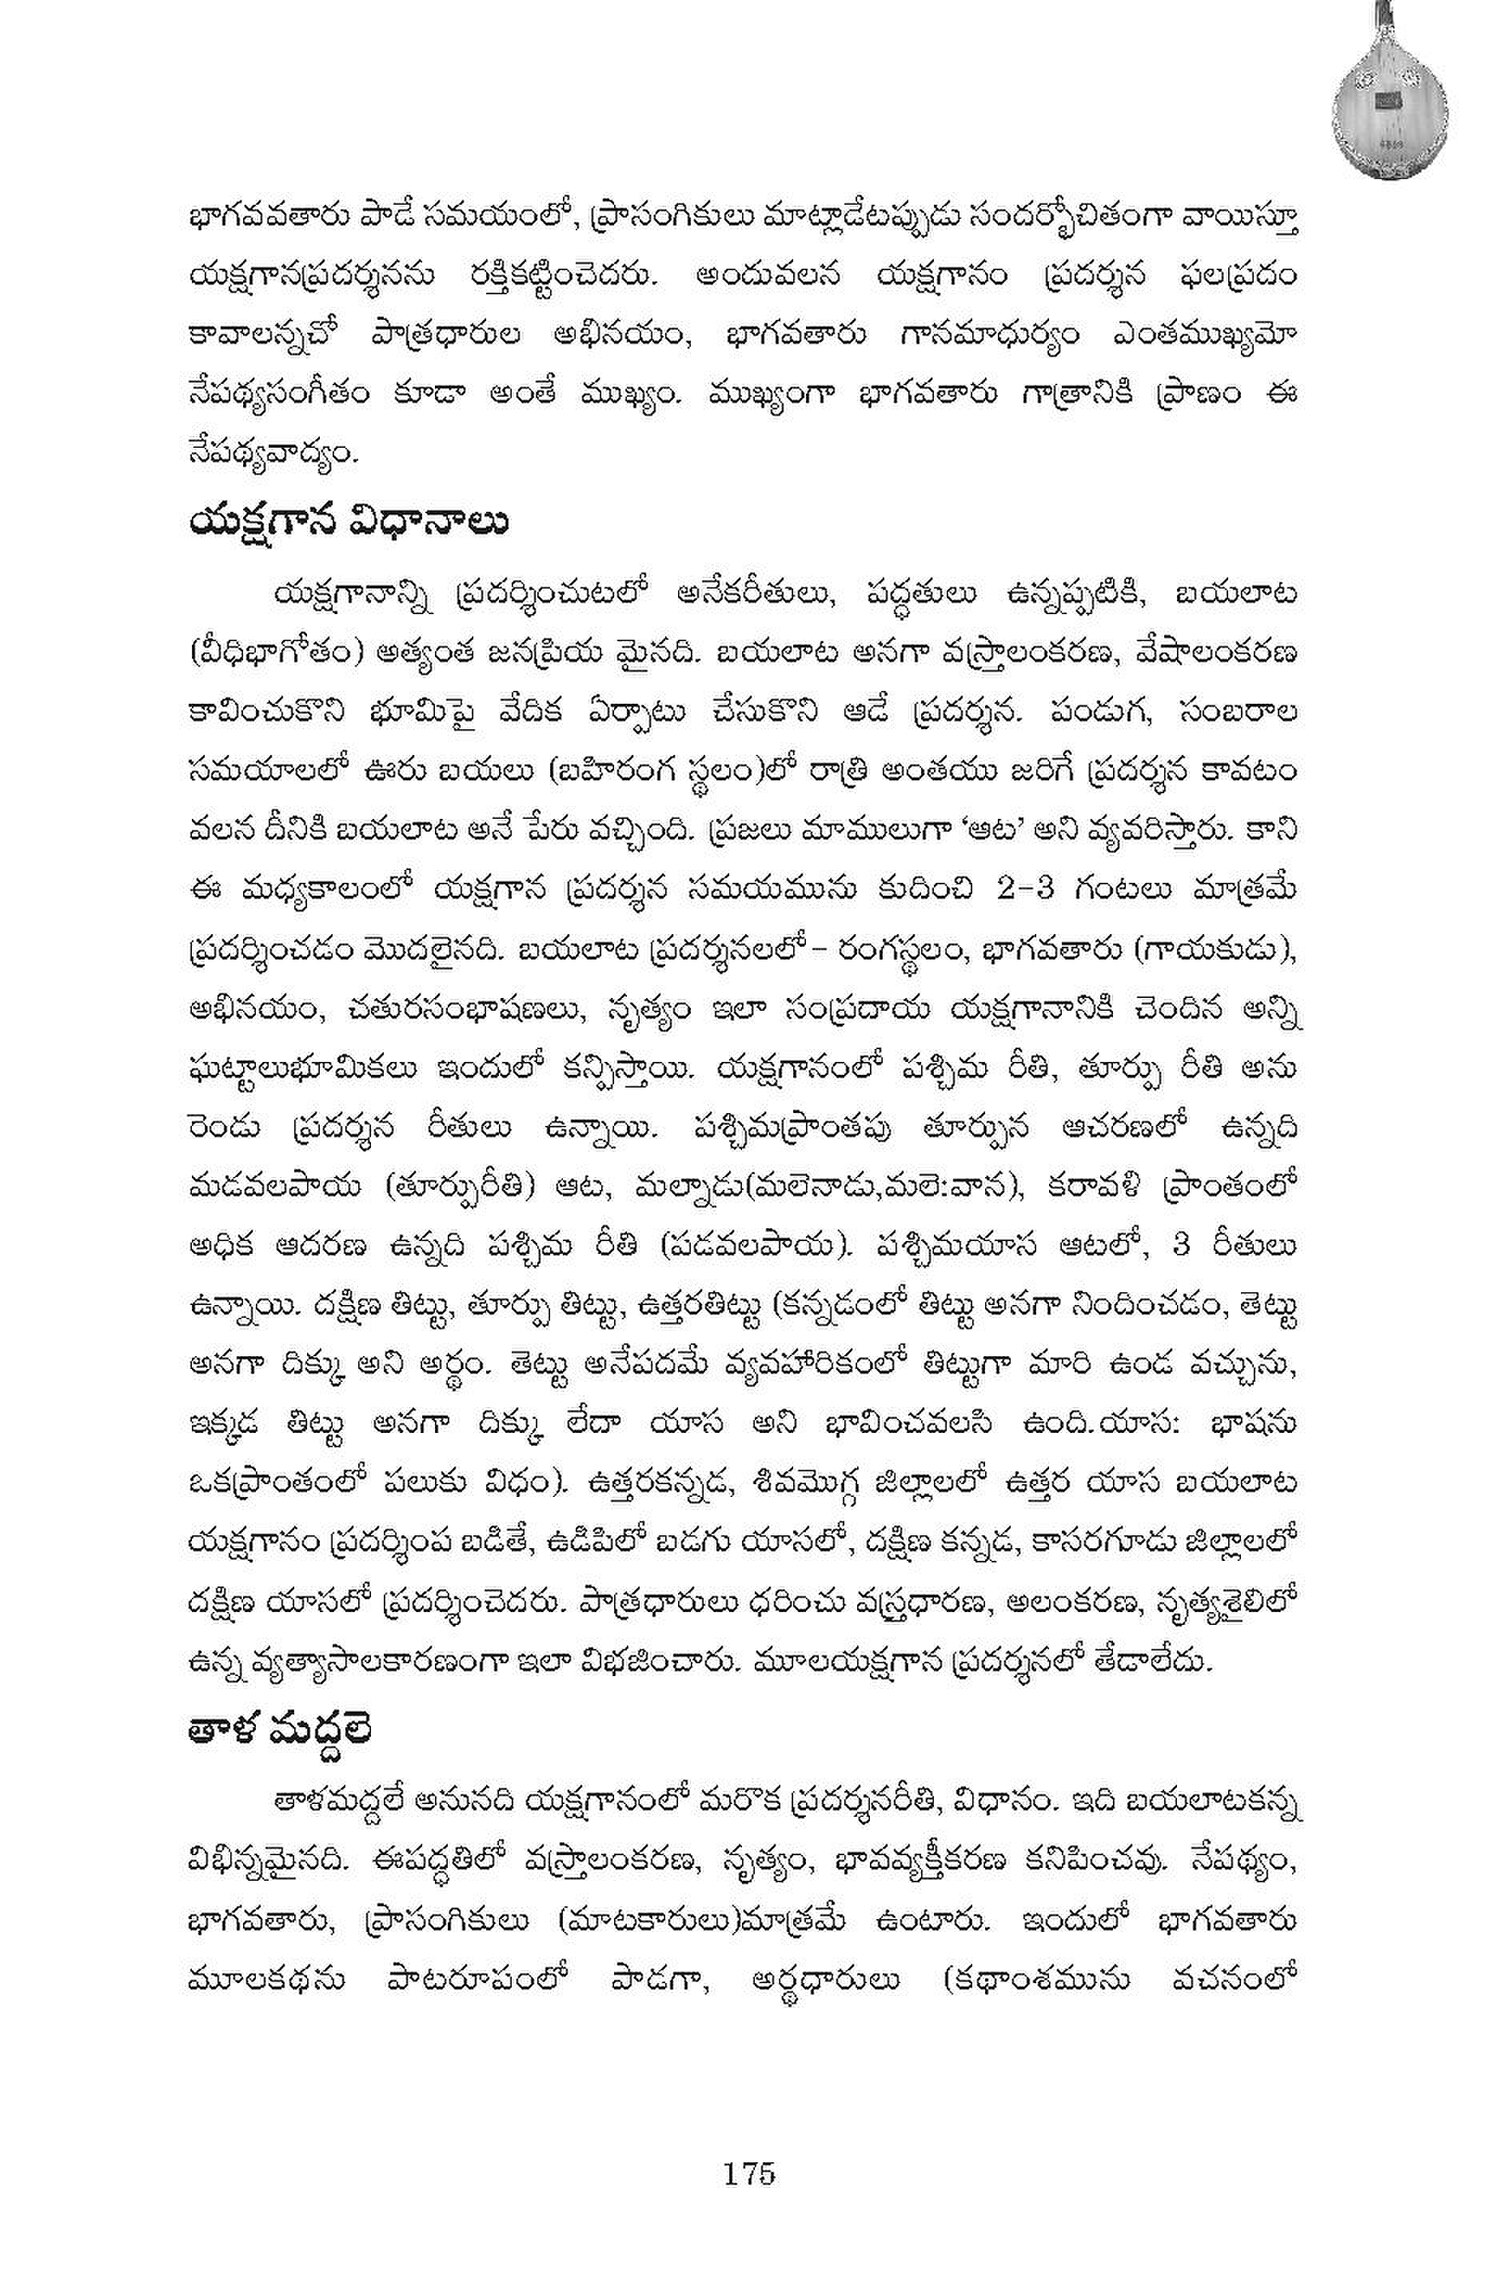భాగవవతారు పాడే సమయంలో, ప్రాసంగికులు మాట్లాడేటప్పుడు సందర్భోచితంగా వాయిస్తూ యక్షగాన ప్రదర్శనను రక్తికట్టించెదరు. అందువలన యక్షగానం ప్రదర్శన ఫలప్రదం కావాలన్నచో పాత్రధారుల అభినయం, భాగవతారు గానమాధుర్యం ఎంతముఖ్యమో నేపథ్య సంగీతం కూడా అంతే ముఖ్యం. ముఖ్యంగా భాగవతారు గాత్రానికి ప్రాణం ఈ
నేపథ్యవాద్యం.

యక్షగాన విధానాలు 

యక్షగానాన్ని ప్రదర్శించుటలో అనేకరీతులు, పద్ధతులు ఉన్నప్పటికి, బయలాట (వీధిభాగోతం) అత్యంత జనప్రియ మైనది. బయలాట అనగా వస్త్రాలంకరణ, వేషాలంకరణ కావించుకొని భూమిపై వేదిక ఏర్పాటు చేసుకొని ఆడే ప్రదర్శన. పండుగ, సంబరాల సమయాలలో ఊరు బయలు (బహిరంగ స్థలం)లో రాత్రి అంతయు జరిగే ప్రదర్శన కావటం వలన దీనికి బయలాట అనే పేరు వచ్చింది. ప్రజలు మాములుగా 'ఆట' అని వ్యవరిస్తారు. కాని ఈ మధ్యకాలంలో యక్షగాన ప్రదర్శన సమయమును కుదించి 2-3 గంటలు మాత్రమే ప్రదర్శించడం మొదలైనది. బయలాట ప్రదర్శనలలో - రంగస్థలం, భాగవతారు (గాయకుడు), అభినయం, చతురసంభాషణలు, నృత్యం ఇలా సంప్రదాయ యక్షగానానికి చెందిన అన్ని ఘట్టాలు భూమికలు ఇందులో కన్పిస్తాయి. యక్షగానంలో పశ్చిమ రీతి, తూర్పు రీతి అను రెండు ప్రదర్శన రీతులు ఉన్నాయి. పశ్చిమప్రాంతపు తూర్పున ఆచరణలో ఉన్నది మడవలపాయ (తూర్పురీతి) ఆట, మల్నాడు (మలెనాడు, మలె: వాన), కరావళి ప్రాంతంలో అధిక ఆదరణ ఉన్నది పశ్చిమ రీతి (పడవలపాయ). పశ్చిమయాస ఆటలో, 3 రీతులు
ఉన్నాయి. దక్షిణ తిట్టు, తూర్పు తిట్టు, ఉత్తరతిట్టు (కన్నడంలో తిట్టు అనగా నిందించడం, తెట్టు అనగా దిక్కు అని అర్థం. తెట్టు అనేపదమే వ్యవహారికంలో తిట్టుగా మారి ఉండ వచ్చును, ఇక్కడ తిట్టు అనగా దిక్కు లేదా యాస అని భావించవలసి ఉంది. యాస: భాషను ఒకప్రాంతంలో పలుకు విధం). ఉత్తరకన్నడ, శివమొగ్గ జిల్లాలలో ఉత్తర యాస బయలాట యక్షగానం ప్రదర్శింప బడితే, ఉడిపిలో బడగు యాసలో, దక్షిణ కన్నడ, కాసరగూడు జిల్లాలలో దక్షిణ యాసలో ప్రదర్శించెదరు. పాత్రధారులు ధరించు వస్త్రధారణ, అలంకరణ, నృత్యశైలిలో ఉన్న వ్యత్యాసాల కారణంగా ఇలా విభజించారు. మూలయక్షగాన ప్రదర్శనలో తేడాలేదు.

తాళ మద్దలె 

తాళమద్దలే అనునది యక్షగానంలో మరొక ప్రదర్శనరీతి, విధానం. ఇది బయలాటకన్న విభిన్నమైనది. ఈపద్ధతిలో వస్త్రాలంకరణ, నృత్యం, భావవ్యక్తీకరణ కనిపించవు. నేపథ్యం, భాగవతారు, ప్రాసంగికులు (మాటకారులు) మాత్రమే ఉంటారు. ఇందులో భాగవతారు మూలకథను పాటరూపంలో పాడగా, అర్థధారులు (కథాంశమును వచనంలో